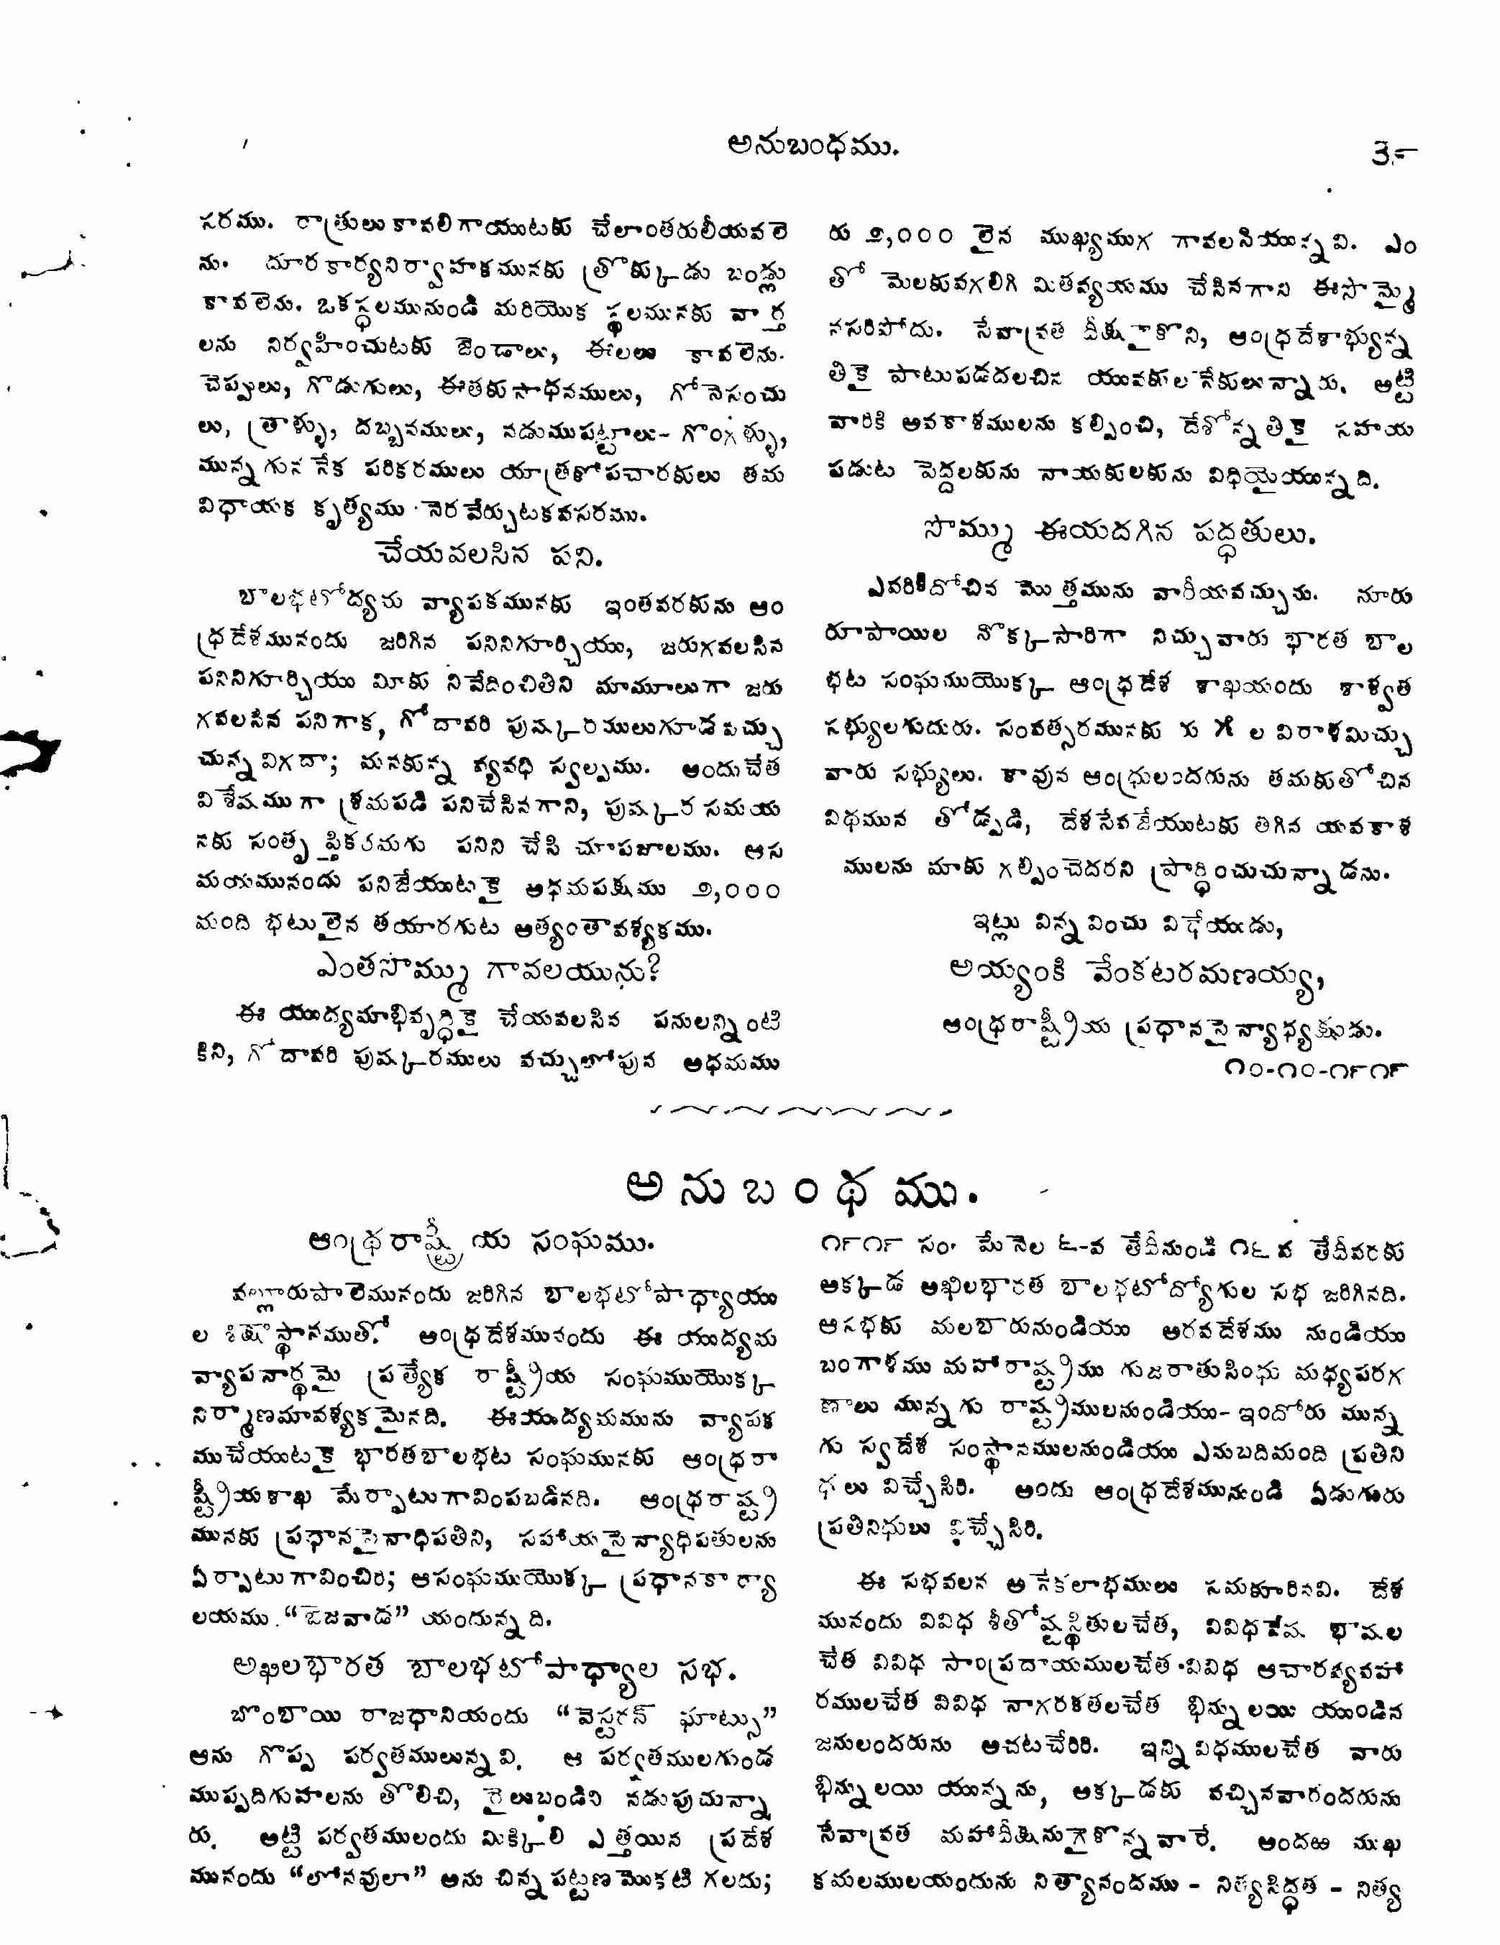సరము. రాత్రులు కావలిగాయుటకు చేలాంతరులీయవలెను. దూర కార్యనిర్వాహకమునకు త్రొక్కుడు బండ్లు కావలెను. ఒకస్థలమునుండి మరియొక స్థలమునకు వార్తలను నిర్వహించుటకు జెండాలు, ఈలలు కావలెను. చెప్పులు, గొడుగులు, ఈతకు సాధనములు, గోనె
సంచులు, త్రాళ్ళు, దబ్బనములు, నడుము పట్టాలు- గొంగళ్ళు, మున్నగుననేక పరికరములు యాత్రకోపచారకులు తమ విధాయక కృత్యము నెర వేర్చుటకవసరము. 

బాలభలోద్యను వ్యాపకమునకు ఇంతవరకును ఆంధ్రదేశమునందు జరిగిన పనిని గూర్చియు, జరుగవలసిన పనినిగూర్చియు మీకు నివేదించితిని మామూలుగా జరుగవలసిన పనిగాక, గోదావరి పుష్కరములు గూడ వచ్చుచున్నవిగదా; మనకున్న వ్యవధి స్వల్పము. అందుచేత విశేషముగా శ్రమపడి పనిచేసిన గాని, పుష్కర సమయనకు సంతృప్తికరమగు పనిని చేసి చూపజాలము. ఆసమయము నందు పనిజేయుటకై అధమపక్షము ౨,౦౦౦ మంది భటులైన తయారగుట అత్యంతావశ్యకము.

ఈ యుద్యమాభివృద్ధికై చేయవలసిన పనులన్నింటికిని, గోదావరి పుష్కరములు వచ్చులోపున అధమము రు ౨,౦౦౦ లైన ముఖ్యముగ గావలసియున్నవి. ఎంతో మెలకువగలిగి మితవ్యయము చేసినగాని ఈసొమ్మైనసరిపోదు. సేవాగ్రత దీక్షకొని, ఆంధ్రదేశాభ్యున్నతికై పాటుపడదలచిన యువకుల నేకులున్నారు. అట్టి వారికి అవకాశములను కల్పించి, దేశోన్నతికై సహాయపడుట పెద్దలకును నాయకులకును విధియైయున్నది.
ను. 

ఎవరికిదోచిన మొత్తమును వారీయవచ్చును. నూరు రూపాయిల నొక్కసారిగా నిచ్చువారు భారత బాలభట సంఘముయొక్క ఆంధ్రదేశ శాఖయందు శాశ్వతసభ్యులగుదురు. సంవత్సరమునకు రు ౫ ల విరాళమిచ్చువారు సభ్యులు. కావున ఆంధ్రులందరును తమకు తోచిన
విధమున తోడ్పడి, దేశసేవజేయుటకు తగిన యవకాశములను మాకు గల్పించెదరని ప్రార్ధించుచున్నాడను.

 

వల్లూరుపాలెమునందు జరిగిన కాలభటోపాధ్యాయుల శిక్షా స్థానముతో, ఆంధ్రదేశమునందు ఈ యుద్యమ వ్యాపనార్థమై ప్రత్యేక రాష్ట్రీయ సంఘముయొక్క నిర్మాణమావశ్యక మైనది. ఈయద్యమమును వ్యాపకముచేయుటకై భారతభాలభట సంఘమునకు ఆంధ్రరాష్ట్రీయశాఖ మేర్పాటుగావింపబడినది. ఆంధ్రరాష్ట్రమునకు ప్రధాన సైనాధిపతిని, సహాయసైన్యాధిపతులను ఏర్పాటు గావించిరి; ఆసంఘము యొక్క ప్రధానకార్యాలయము “ ఔజవాడ” యందున్నది.

బొంబాయి రాజధానియందు “వెస్టరన్ ఘాట్సు” ఆను గొప్ప పర్వతములున్నవి. ఆ పర్వతములగుండ ముప్పదిగుహలను తొలిచి, రైలుబండిని నడుపుచున్నారు. అట్టి పర్వతములందు మిక్కిలి ఎత్తయిన ప్రదేశమునందు “లోనవులా" అను చిన్న పట్టణ మొకటి గలదు; ౧౯౧౯ సం. మే నెల ౬ వ తేదీనుండి ౧౬వ తేదీవరకు అక్కడ అఖిలభారత బాల భటోద్యోగుల సభ జరిగినది. ఆసభకు మలబారునుండియు అరవదేశము నుండియు బంగాళము మహారాష్ట్రము గుజరాతుసింధు మధ్యపరగణాలు మున్నగు రాష్ట్రముల నుండియు - ఇందోరు మున్నగు స్వదేశీ సంస్థానములనుండియు ఎనుబదిమంది ప్రతినిధలు విచ్చేసిరి. అందు ఆంధ్రదేశమునుండి ఏడుగురు ప్రతినిధులు పిచ్చేసిరి.

ఈ సభవలన అనేక లాభములు సమకూరినవి. దేశమునందు వివిధ శీతోష్ణస్థితుల చేత, వివిధ వేష భాషలచేత వివిధ సాంప్రదాయముల చేత వివిధ ఆచారవ్యవహారములచేత వివిధ నాగరికతల చేత భిన్నులయి యుండిన జనులందరును అచట చేరిరి. ఇన్ని విధములచేత వారు భిన్నులయి యున్నను, అక్కడకు వచ్చినవారందరును సేవావ్రత మహాదీక్షను గైకొన్నవారే. అందఱ ముఖకమలములయందును నిత్యానందము - నిర్యసిద్ధత - నిత్య